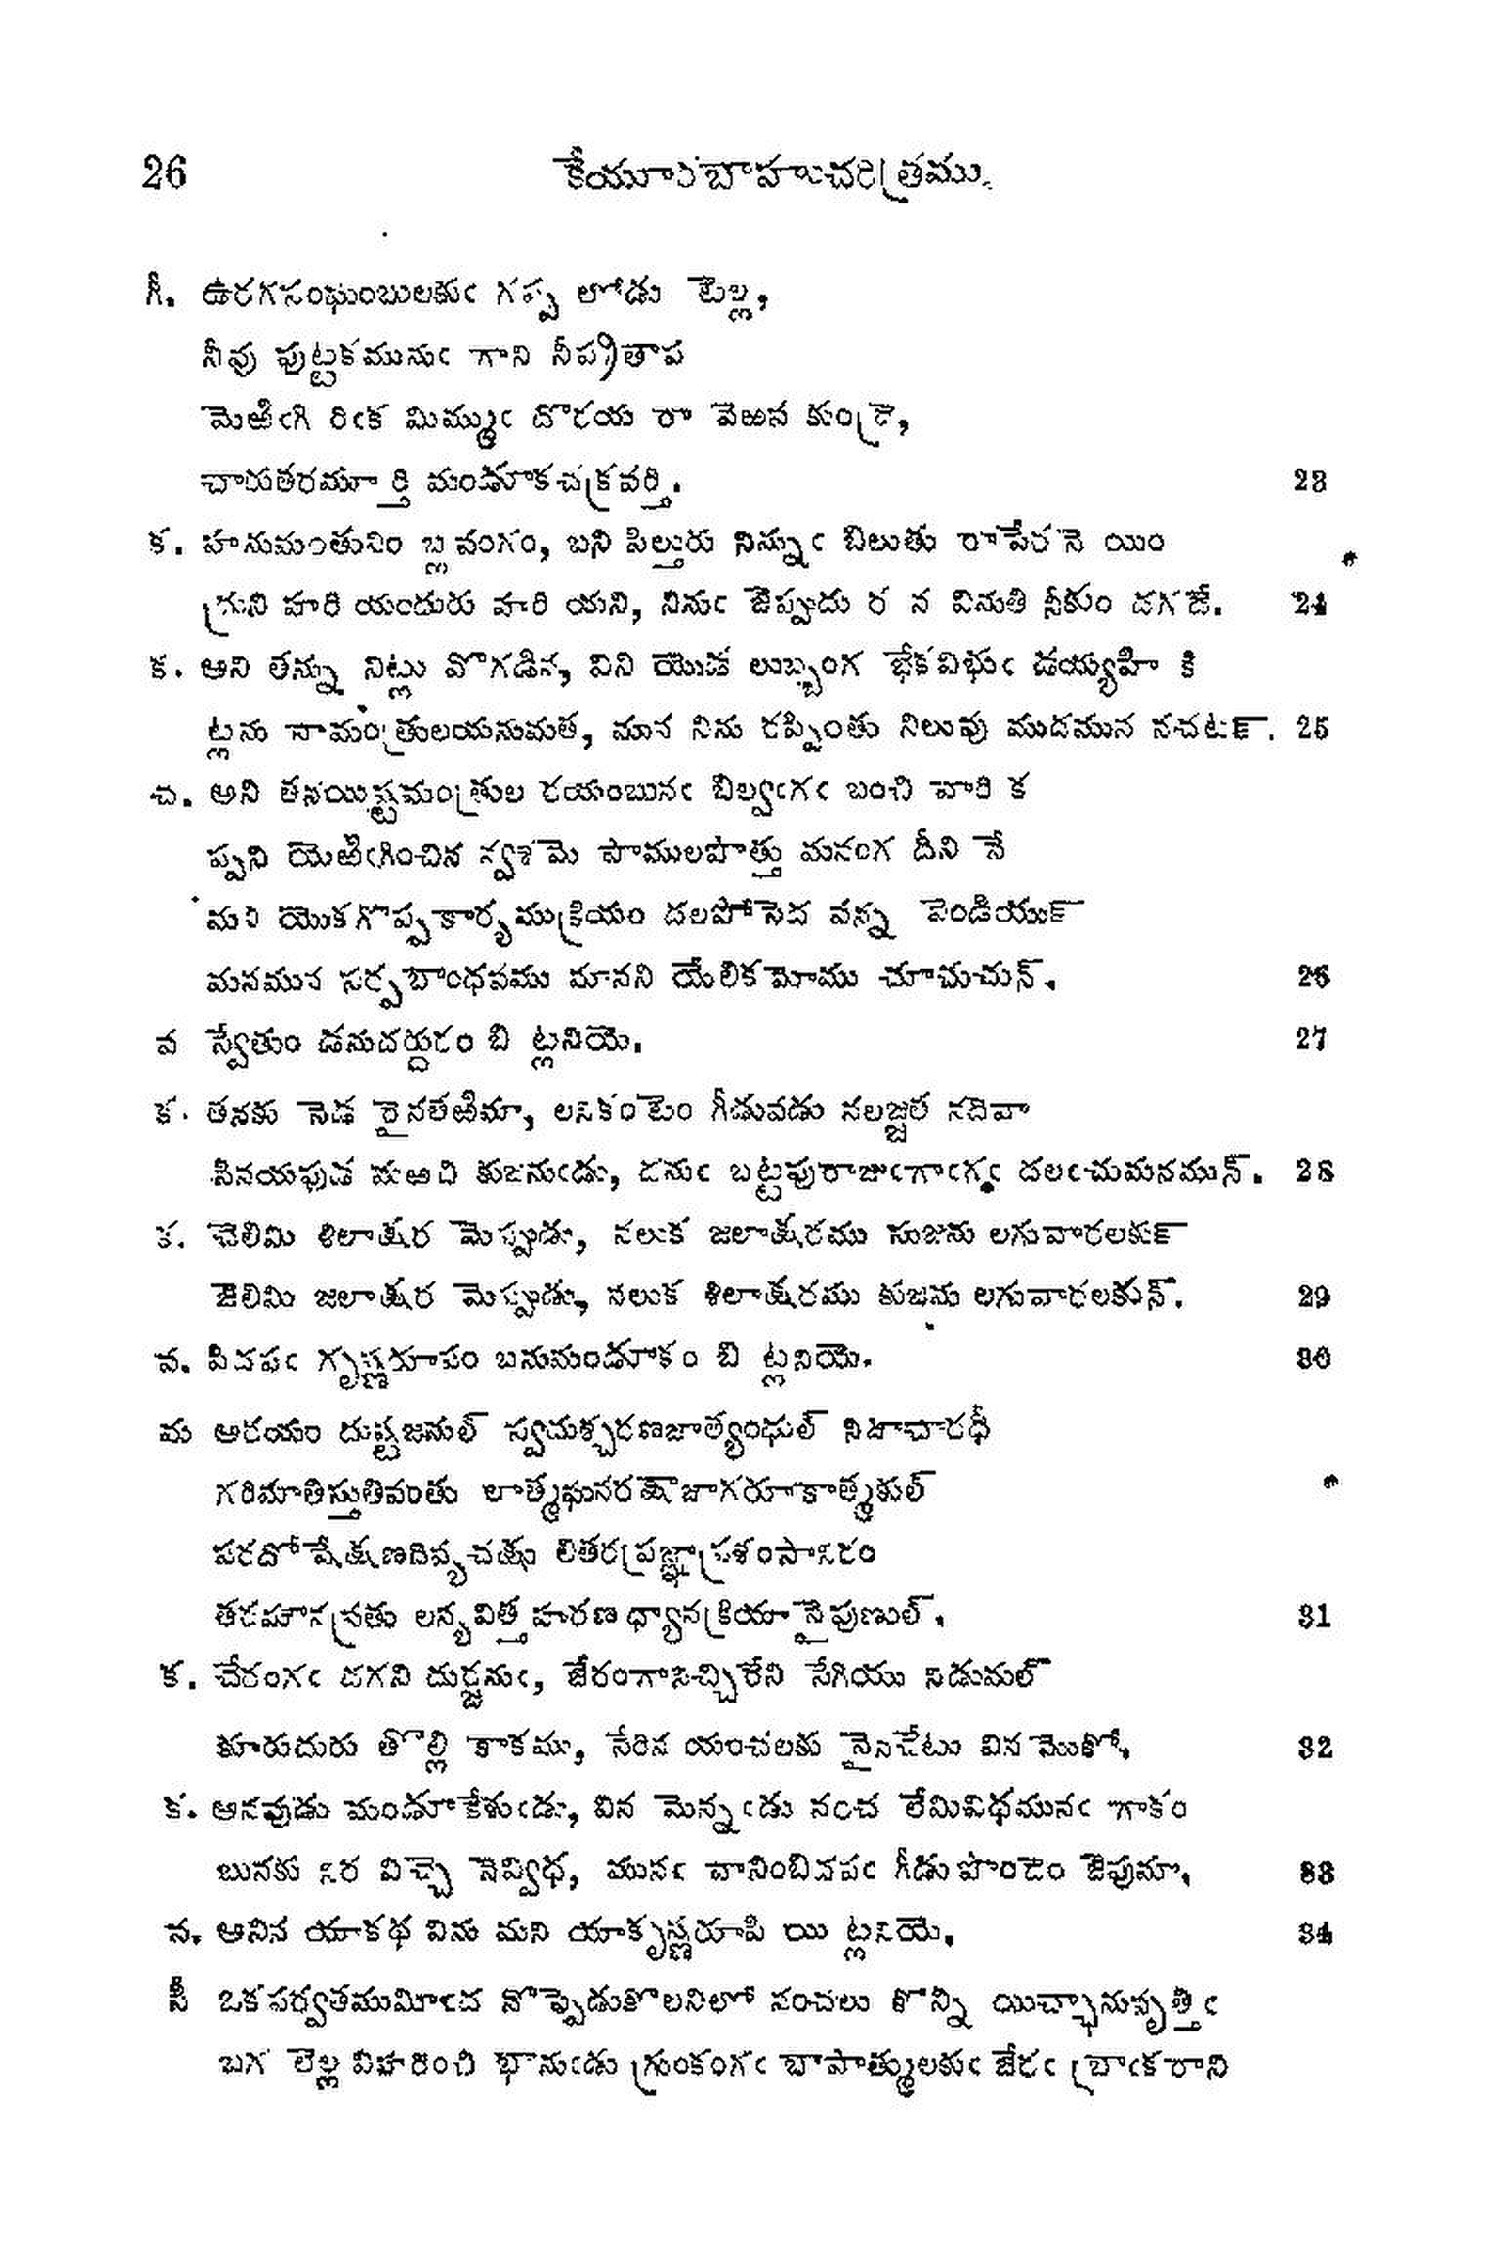గీ. ఉరగసంఘంబులకుఁ గప్ప లోడు టెల్ల,
 నీవు పుట్టకమునుఁ గాని నీ ప్రతాప
 మెఱిఁగి రిఁక మిమ్ముఁ దొరయ రా వెఱవకుంద్రె,
 చారుతరమూర్తి మండూకచక్రవర్తి.
క. హనుమంతునిం బ్లవంగం, బని పిల్తురు నిన్నుఁ బిలుతు రాపేరనె యిం
 ద్రుని హరి యందురు హరి యని, నినుఁ జెప్పుదు ర న వినుతి నీకుం దగదే.
క. అని తన్ను నిట్లు వొగడిన, విని యొడ లుబ్బంగ భేకవిభుఁ డయ్యహి కి
 ట్లను నామంత్రులయనుమత, మున నిను రప్పింతు నిలువు ముదమున నచటన్.
చ. అని తనయిష్టమంత్రుల రయంబునఁ బిల్వఁగఁ బంచి వారి క
 ప్పని యెఱిఁగించిన న్వశమె పాములపొత్తు మనంగ దీని నే
 మని యొకగొప్పకార్యముక్రియం దలపోసెద వన్న వెండియున్
 మనమున సర్పబాంధవము మానని యేలిక మోము చూచుచున్.
వ. స్వేతుం డనుదర్దుకం బి ట్లనియె.
క. తనకు నెడ రైనతఱిమా, లనికంటెం గీడువడు నలజ్జత నదివా
 సినయపుడ మఱచి కుజనుఁడు, దనుఁ బట్టపురాజుఁగాఁగఁ దలఁచు మనమున్.
క. చెలిమి శిలాక్షర మెప్పుడు, నలుక జలాక్షరము సుజను లగువారలకున్
 జెలిమి జలాక్షర మెప్పుడు, నలుక శిలాక్షరము కుజను లగువారలకున్.
వ. పిదపఁ గృష్ణరూపం బనుమండూకం బి ట్లనియె.
మ. అరయం దుష్టజనుల్ స్వదుశ్చరణజాత్యంధుల్ నిజాచారధీ
 గరిమాతిస్తుతివంతు లాత్మఘనరక్షాజాగరూకాత్మకుల్
 పరదోషేక్షణదివ్యచక్షు లితరప్రజ్ఞాప్రశంసానిరం
 తరమౌనవ్రతు లన్యవిత్తహరణధ్యానక్రియానైపుణుల్.
క. చేరంగఁ దగని దుర్జనుఁ, జేరంగానిచ్చిరేని నేగియు నిడుమల్
 కూరుదురు తొల్లి కాకము, సేరిన యంచలకు నైనచేటు వినమొకో.
క. అనవుడు మండూకేశుఁడు, విన మెన్నఁడు నంచ లేమివిధమునఁ గాకం
 బునకు నిర విచ్చె నెవ్విధ, మునఁ నానిం బిదపఁ గీడు పొందెం జెపుమా.
వ. అనిన యాకథ విను మని యాకృష్ణరూపి యి ట్లనియె.
సీ. ఒక పర్వతముమీఁద నొప్పెడుకొలనిలో నంచలు కొన్ని యిచ్ఛానువృత్తిఁ
 బగ లెల్ల విహరించి భానుఁడు గ్రుంకంగఁ బాపాత్ములకుఁ జేరఁ బ్రాఁకరాని